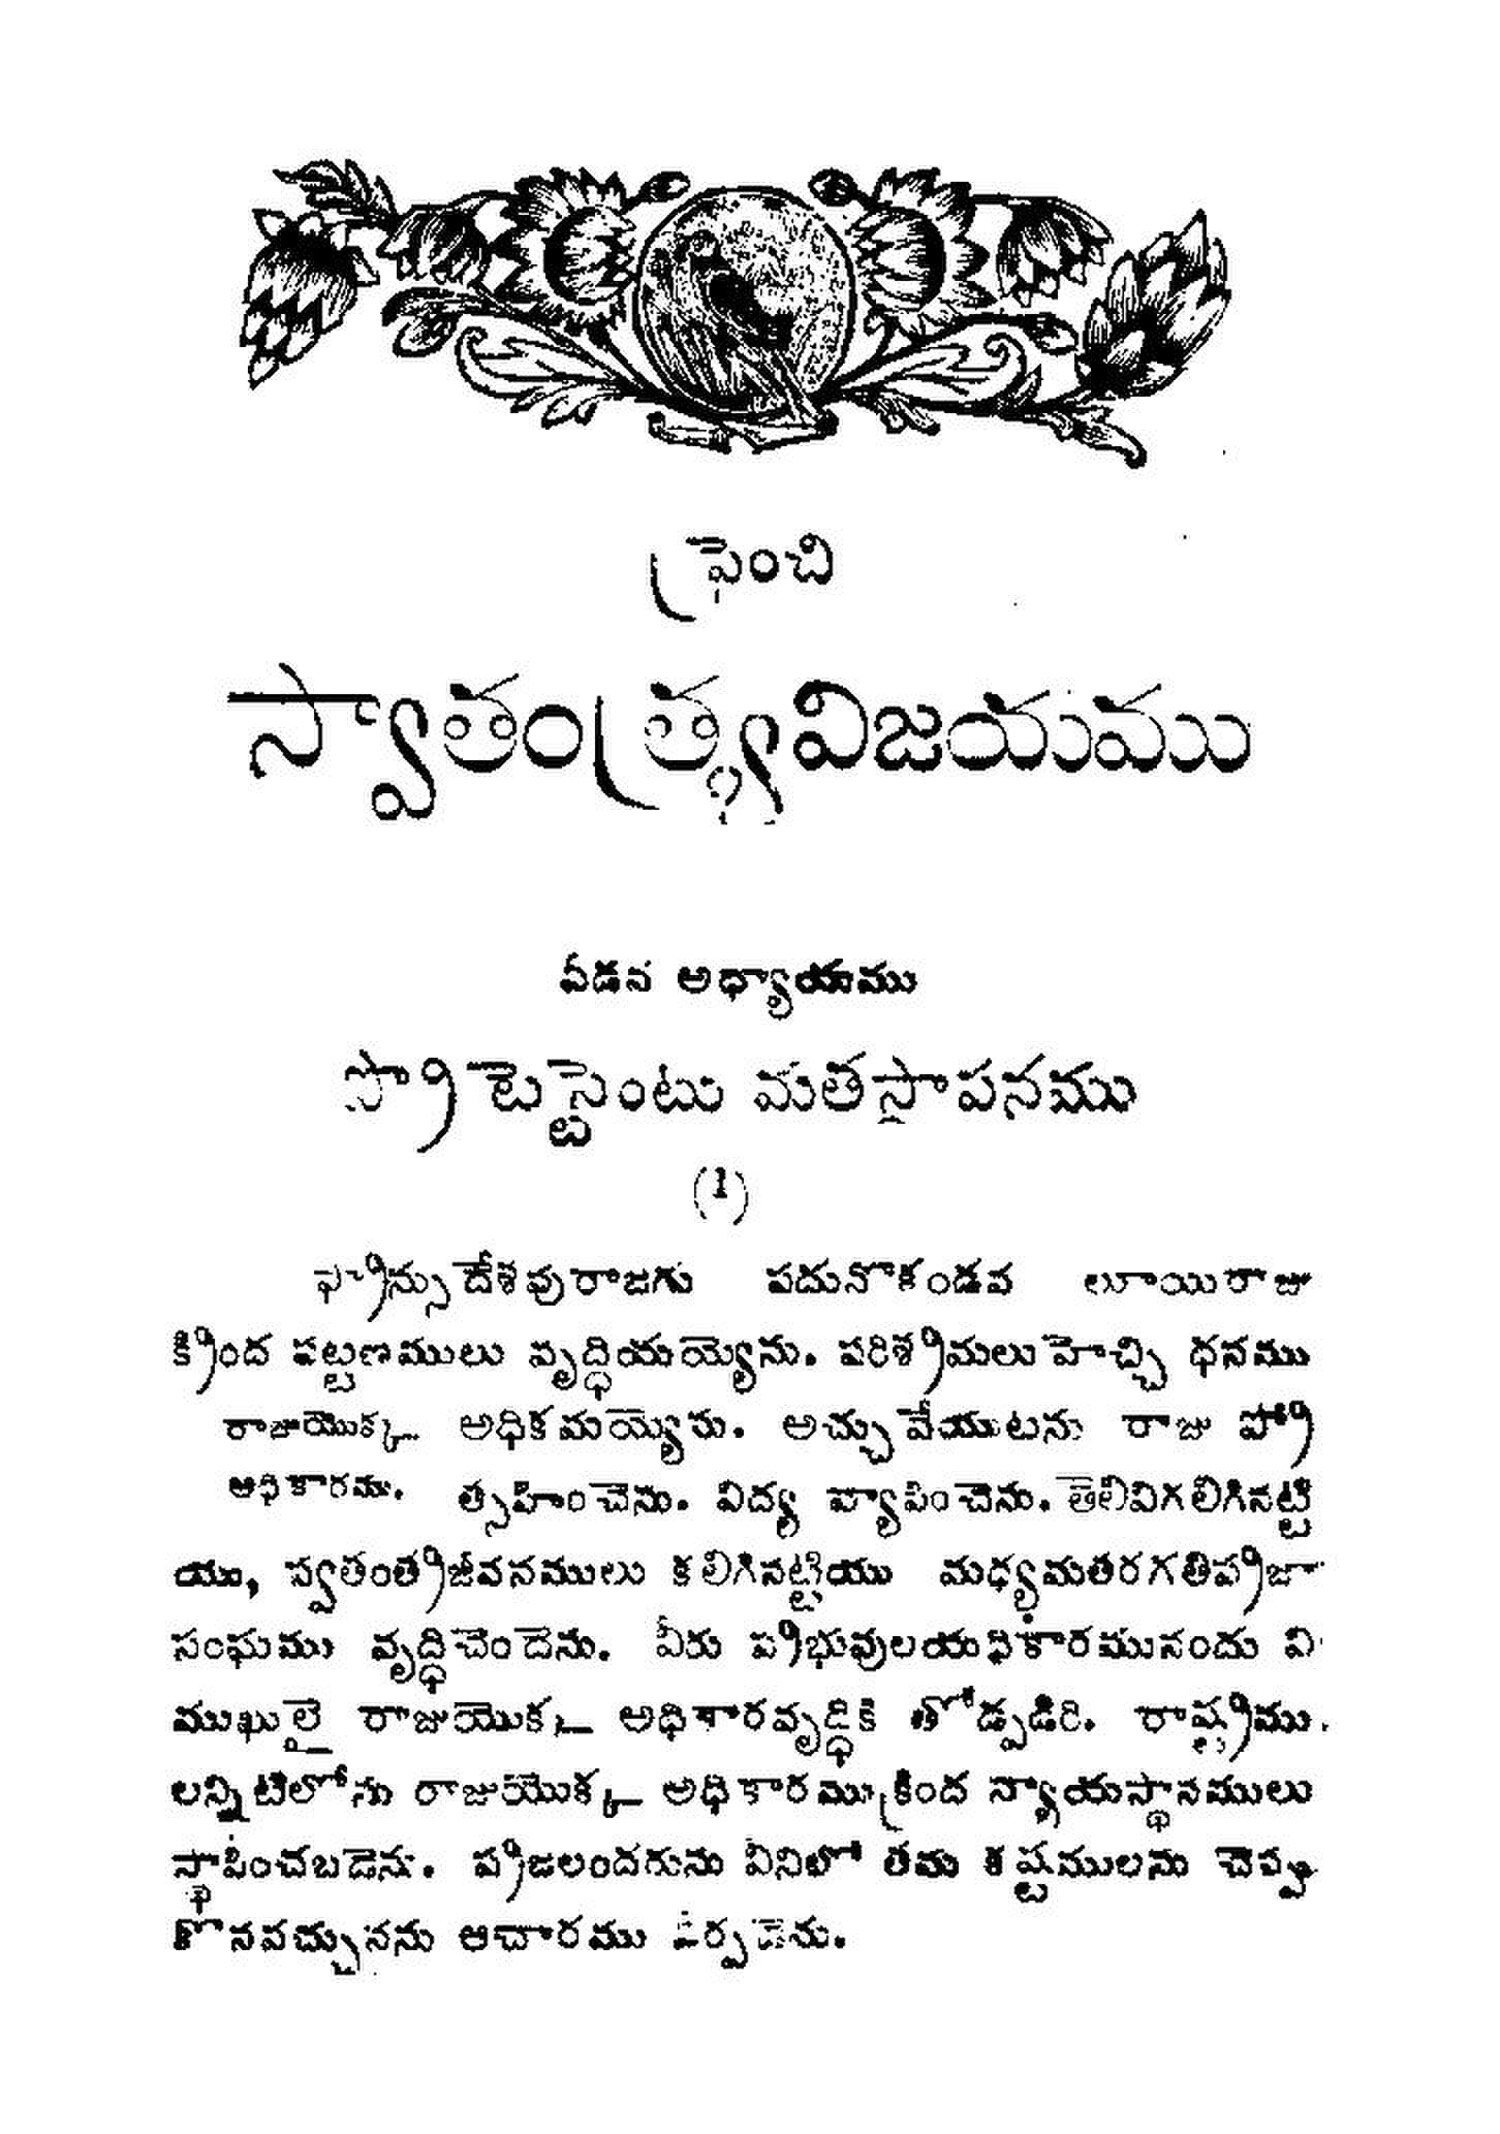రాజు యొక్క 
అధికారము,

"ఫ్రాన్సు దేశ వు రాజగు పదునొకండవ లూయిరాజు
క్రింద పట్టణములు వృద్ధియయ్యెను. పరిశ్రమలు హెచ్చి ధనము
అధిక మయ్యెను. అచ్చువే వేయుటను రాజు ప్రో
త్సహించెను. విద్య వ్యాపించెను. తెలివిగలి గినట్టి
యు, స్వతంత జీవనములు కలిగి నట్టియు మధ్యమతరగతి ప్రజా
సంఘము వృద్ధి చెందెసు. వీరు ప్రభువుల యధికారమునందు వి.
ముఖులై రాజు యొక్క అధికారవృద్ధికి తోడ్పడిరి. రాష్ట్రము .
లన్నిటిలోను రాజు యొక్క అధి కారము క్రింద న్యాయస్థానములు
స్థాపించబడెను. ప్రజలందరును వీనిలో తమ కష్టములను చెప్పు
కొనవచ్చునను ఆచారము ఏర్పడెను.